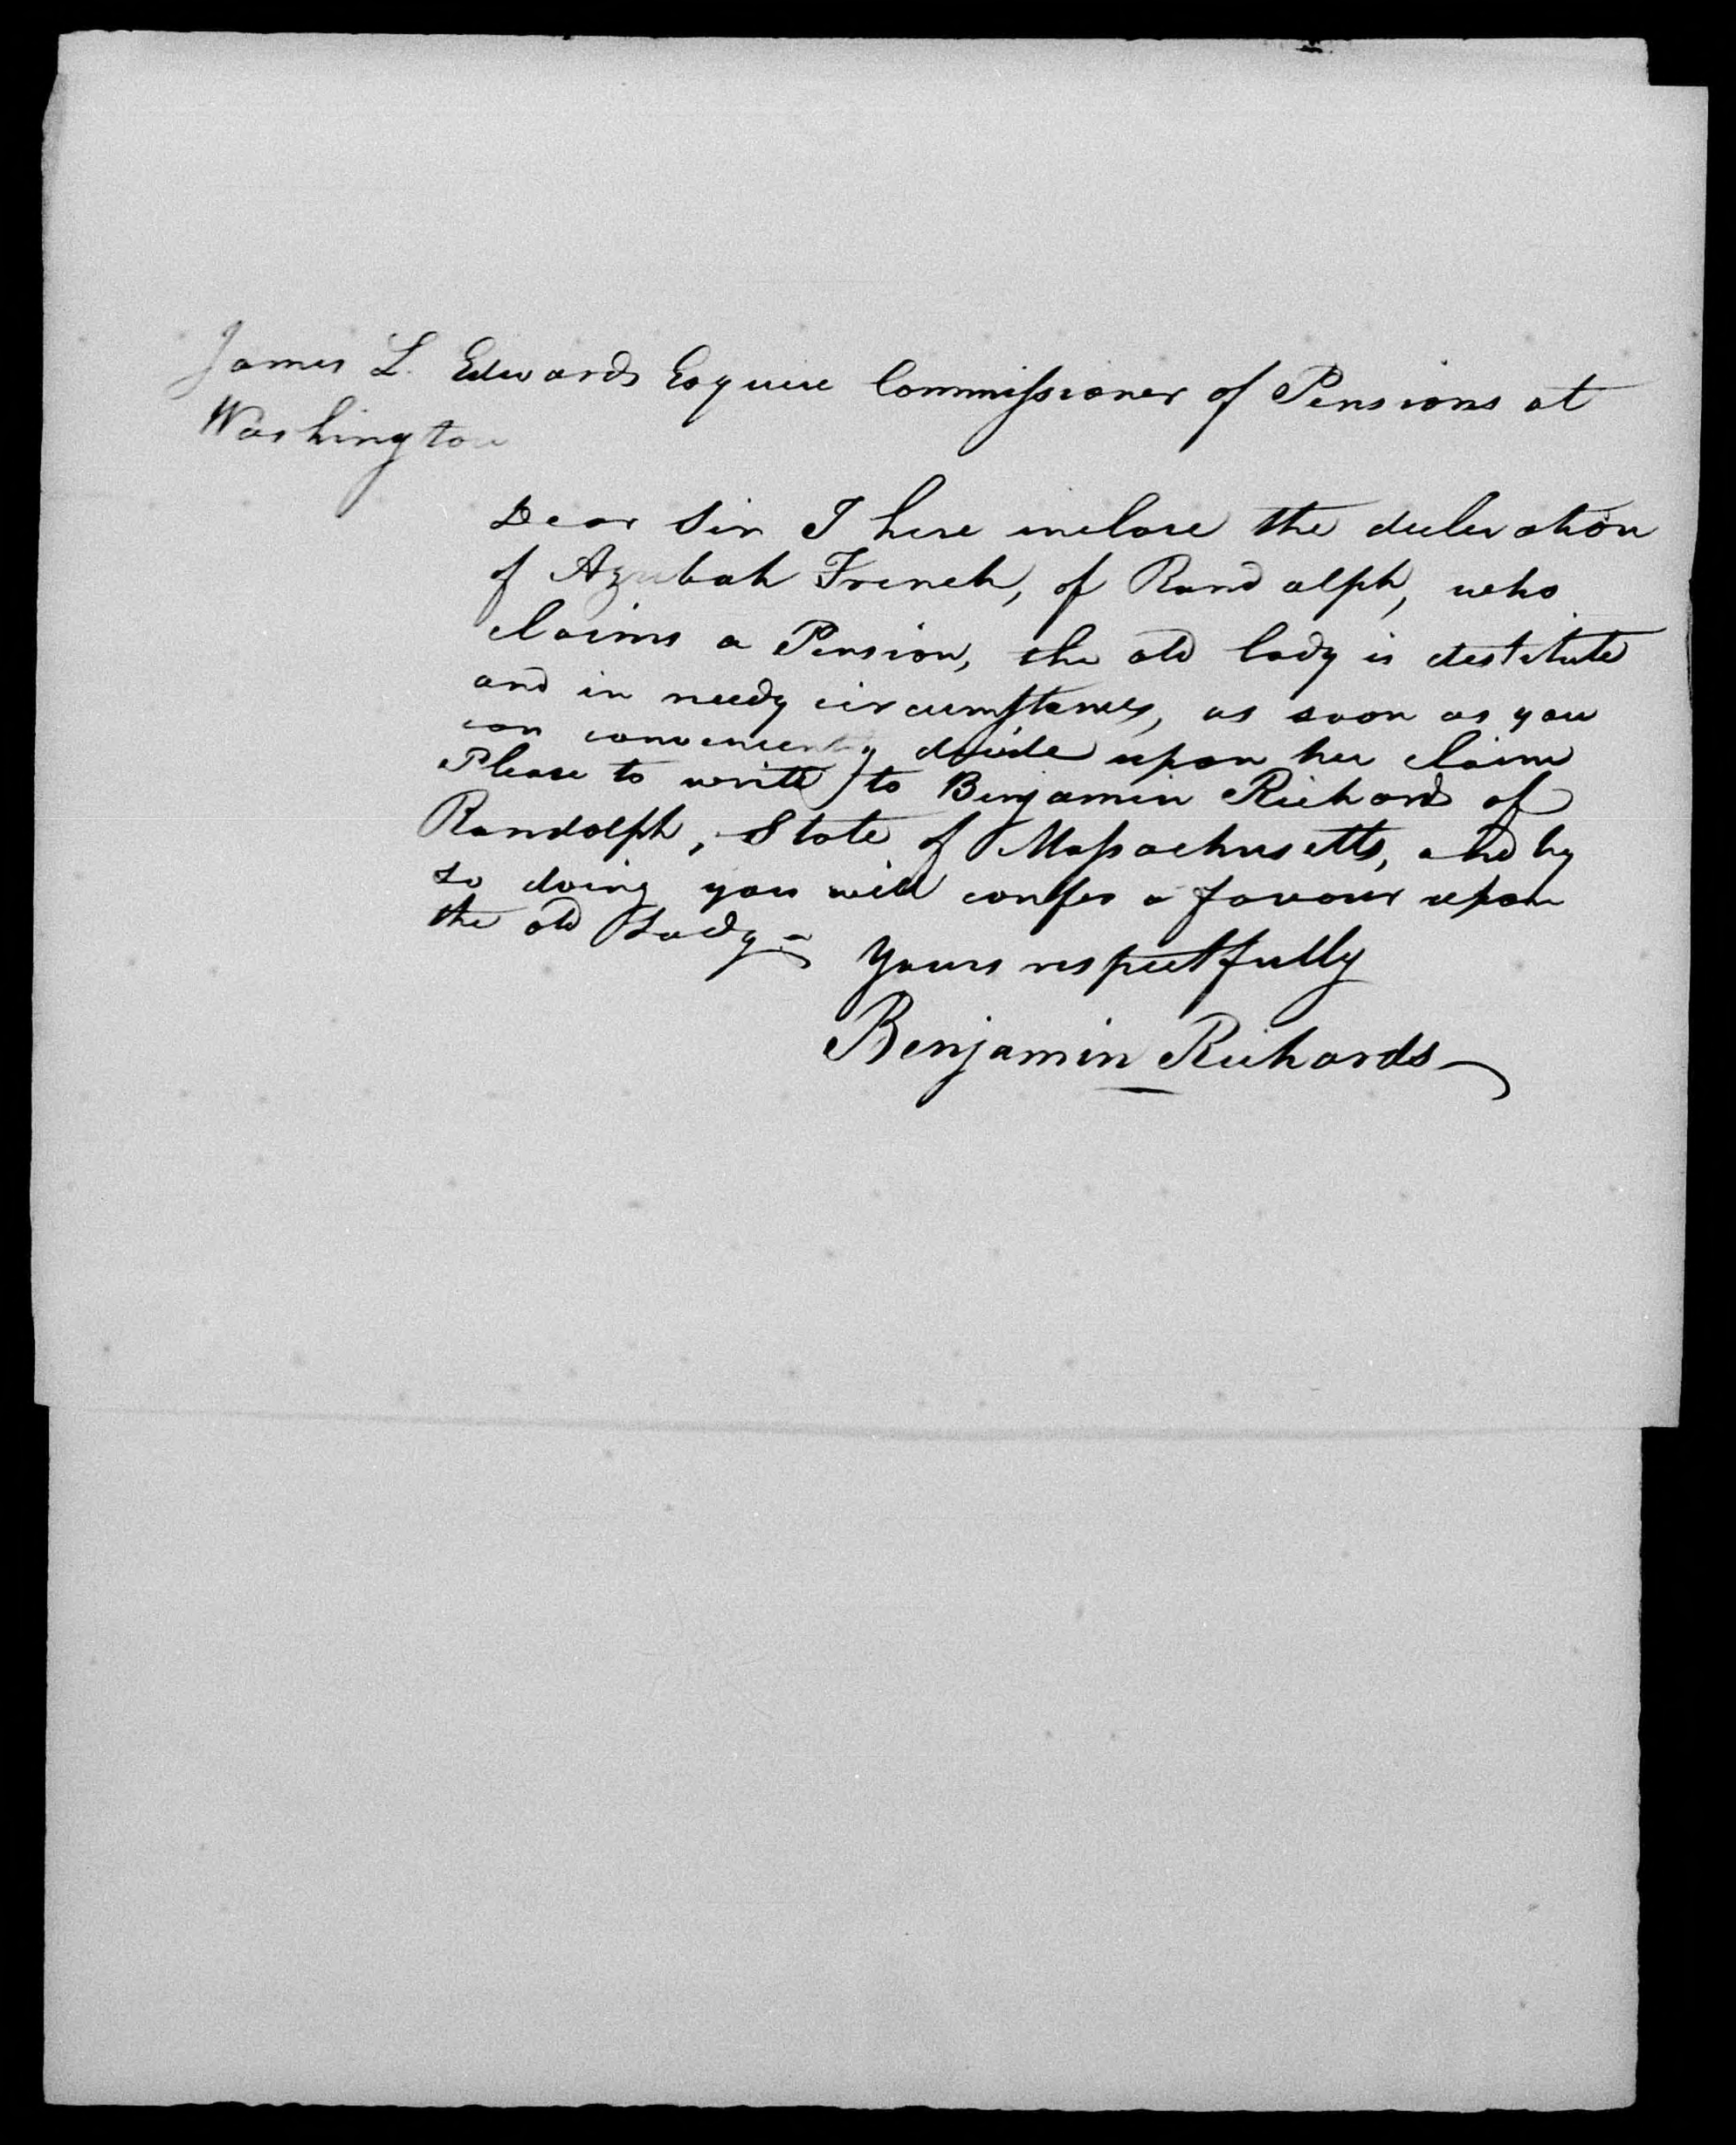James L. Edwards Esquire Commissioner of Pensions at 
Washington 

Dear Sir I here inclose the declaration 
of Azubah French, of Randolph, who 
claims a Pension, the old lady is destitute 
and in needy circumstances, as soon as you 
can conveniently decide upon her claim 
Please to write to Benjamin Richards of Randolph, State of Massachusetts, and by 
so doing you will confer a favour upon 
the old Lady.

Yours respectfully 
Benjamin Richards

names: James L Edwards, Benjamin Richards, Azubah French, Benjamin Richards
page: 34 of 38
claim: widow's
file: W. 24,235, Silvanus French, Mass.